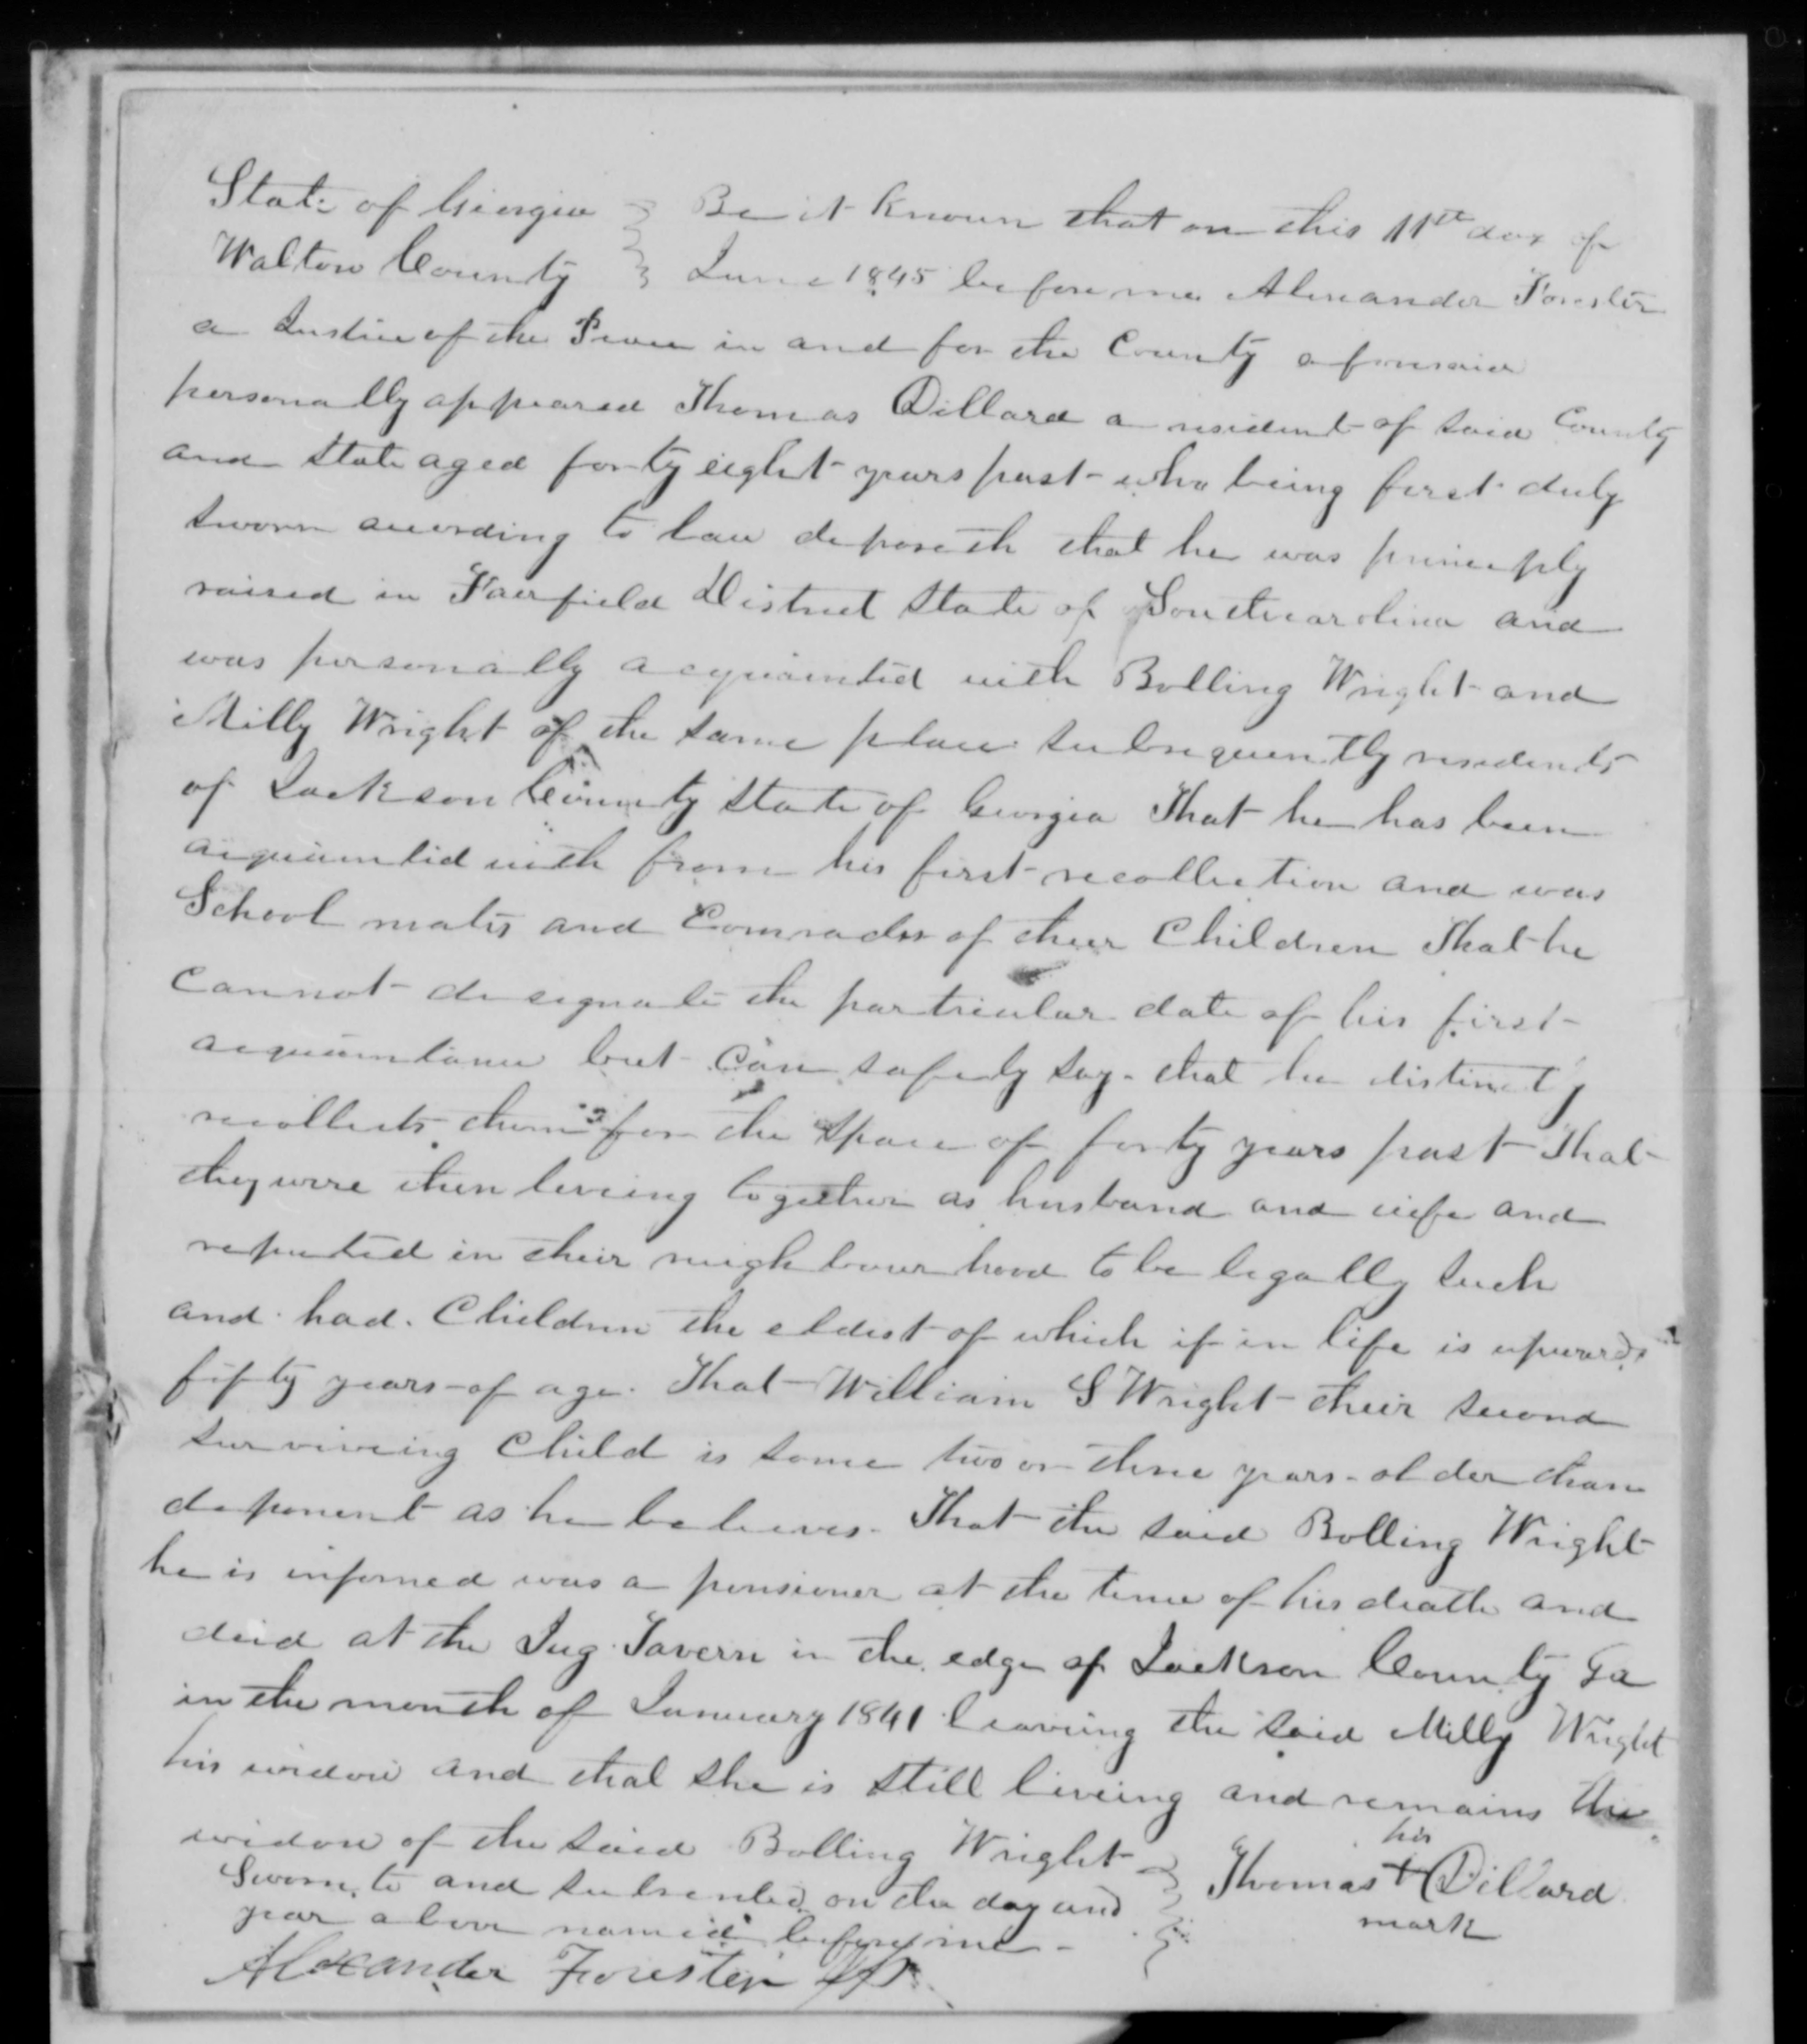State of Georgia  Be it known that on this 11th day of
Walton County ⎬ June 1845 before me Alexander Forester
a Justice of the Peace in and for the County aforesaid
personally appeared Thomas Dillard a resident of said County
and State aged forty eight years past who being first duly
sworn according to law deposeth that he was principly
raised in Fairfield District State of Southcarolina and
was personally acquainted with Bolling Wright and
Milly Wright of the same place subsequently residents
of Jackson County State of Georgia That he has been
acquainted with from his first recollection and was
School mates and Comrad of their children That he
cannot designate the particular date of his first
acquaintance but can safely say that he distinctly
recollects them for the space of forty years past That
they were then living together as husband and wife and
reputed in their neighbourhood to be legally such
and had children the eldest of which if in life is upwards
fifty years of age. That William S Wright their second
surviving child is some two or three years older than
deponent as he believes. That the said Bolling Wright
he is informed was a pensioner at the time of his death and
died at the Jug Tavern in the edge of Jackson County Ga
in the month of January 1841 leaving the said Milly Wright
his widow and that she is still living and remains the
widow of the said Bolling Wright
Thomas X his mark Dillard
Sworn to and subscribed on the day and
year above named before me -
Alexander Forester JP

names: Bolling Wright, Milly Wright, Alexander Forester, Thomas Dillard, William S Wright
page: 71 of 81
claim: widow's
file: W. 5183, Bolling Wright, Va.